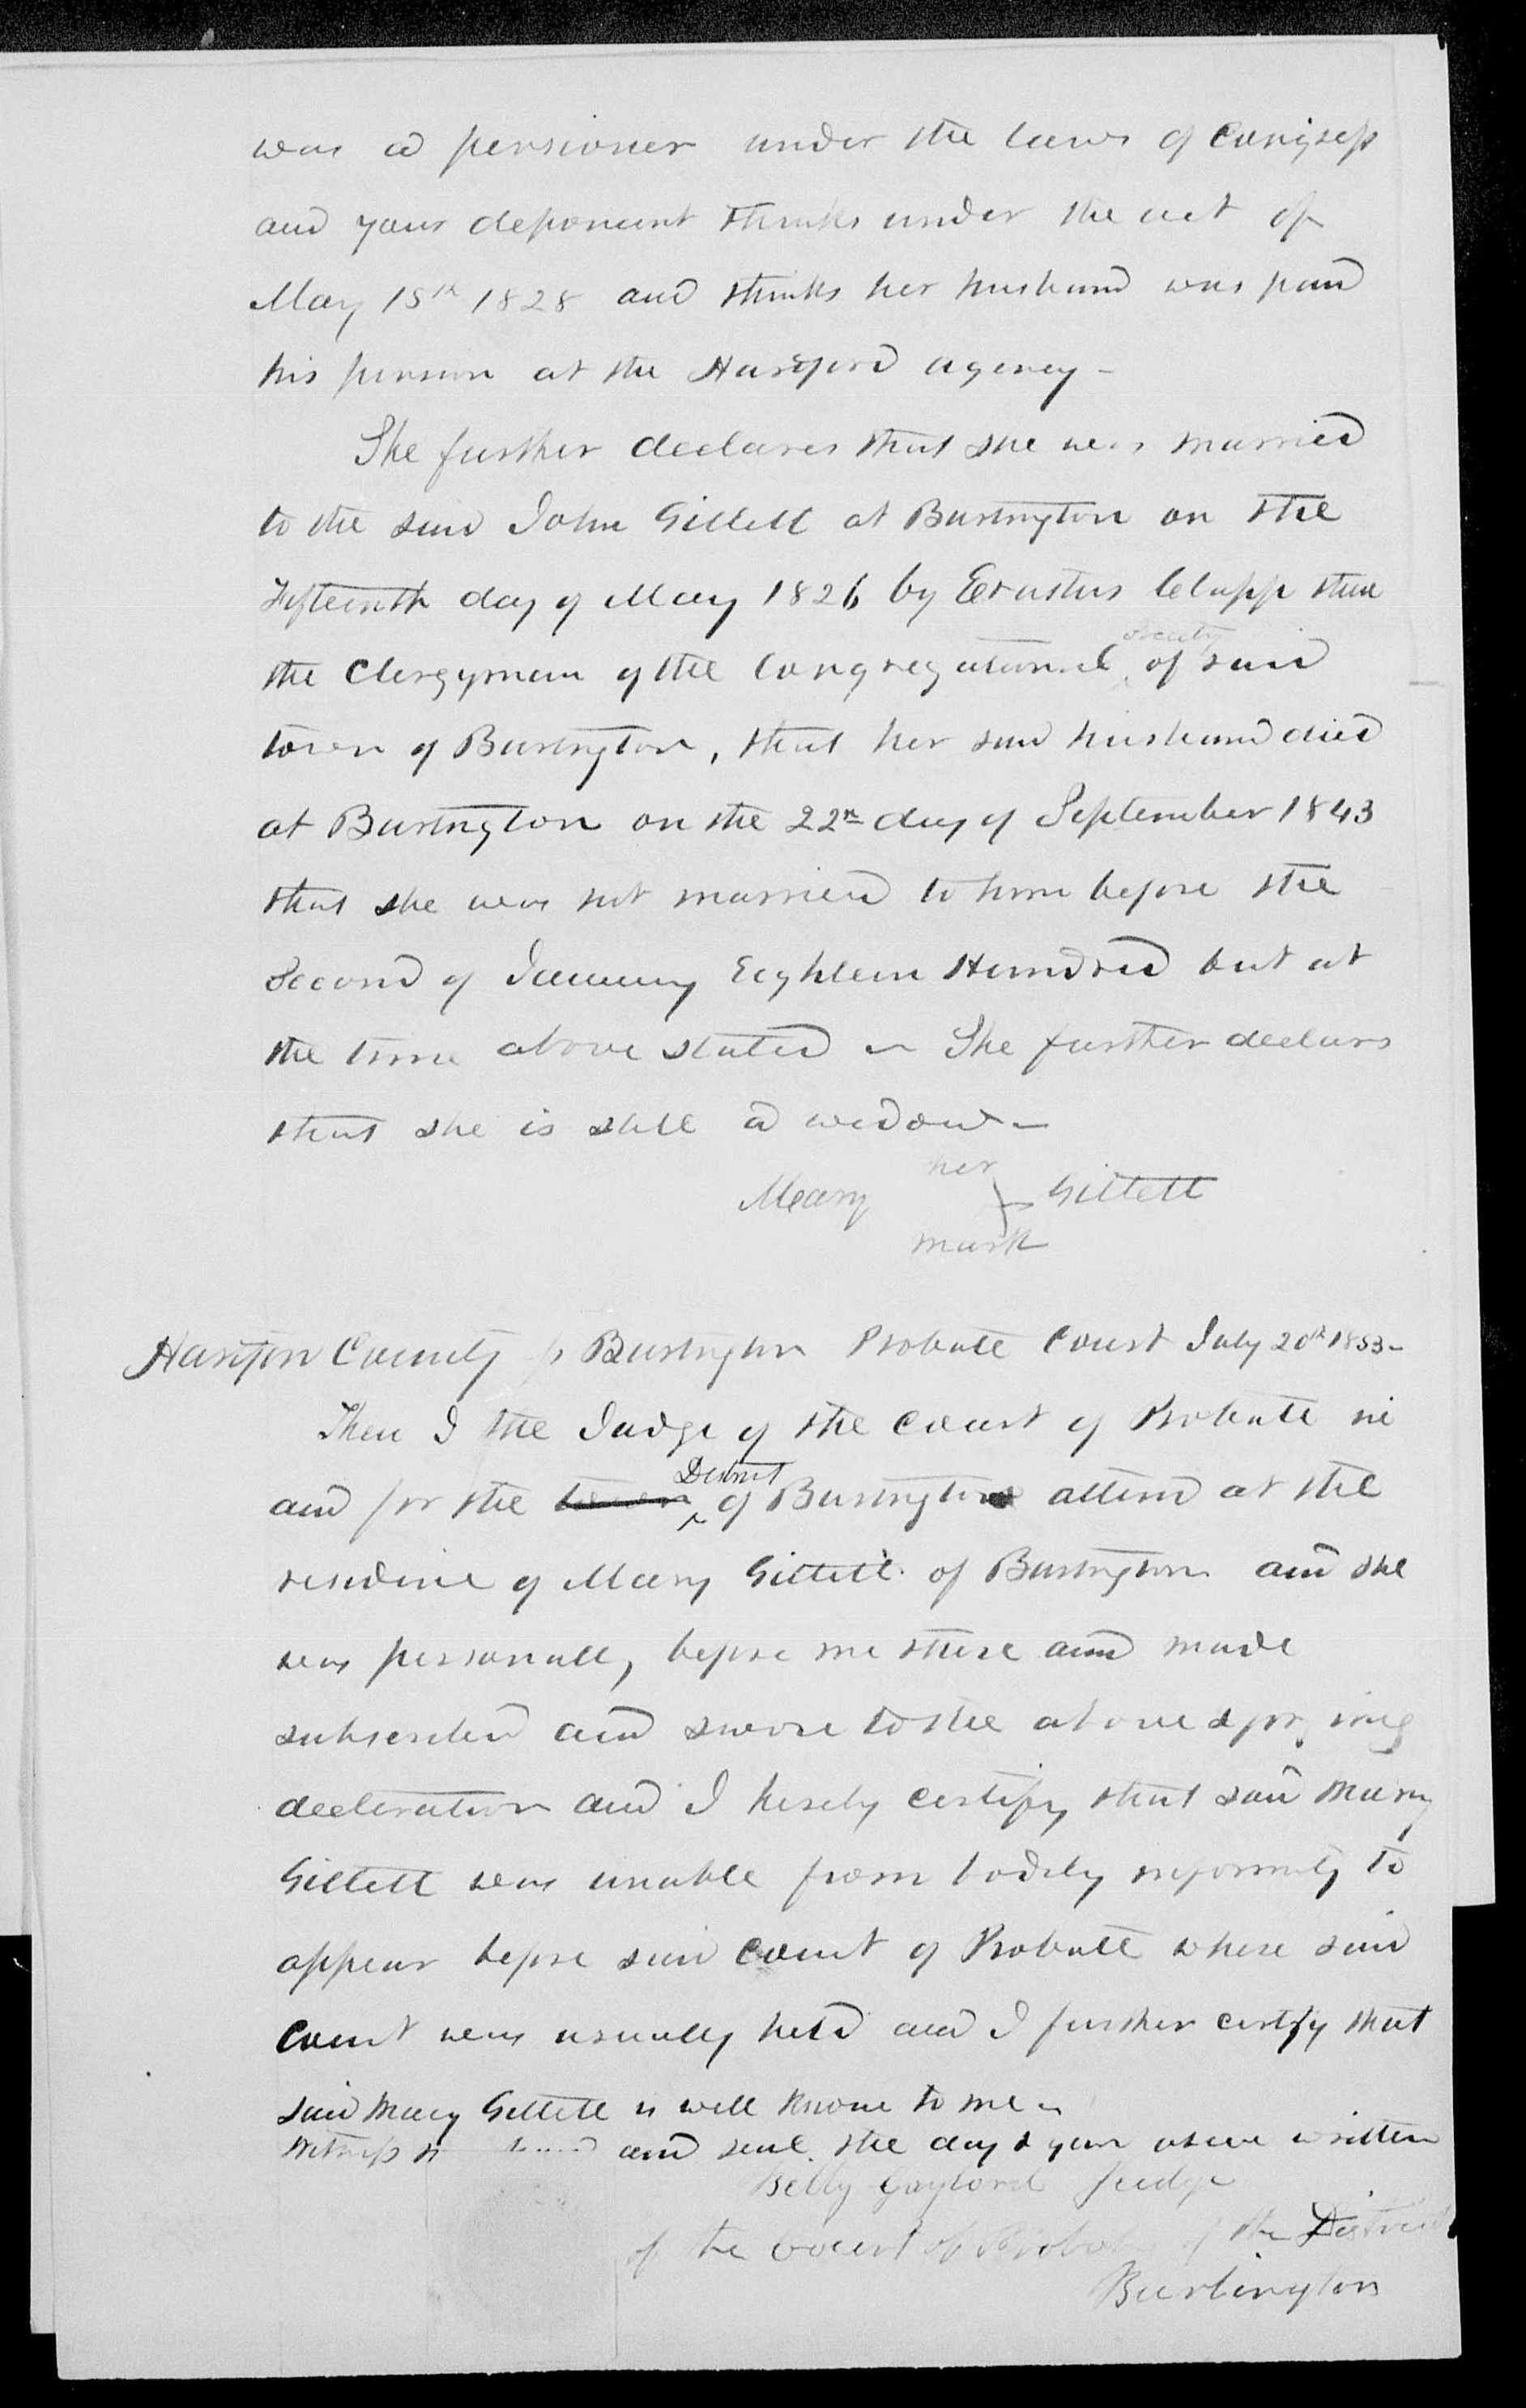was a pensioner under the laws of Congress and yon deponent thinks under the act of May 15th 1828 and thinks her husband was from his pensionnat the Hartford agency -

  She further declares that she was married to the said John Gillett at Burlington on the Fifteenth day of May 1826 by Erastus Clapp then the Clergyman of the Congregational Society [last word inserted] of said town of Burlington, that she said her husband died at Burlington on the 22nd day of September 1843 that she was not married to him before the second of January eighteen hundred but at the time above stated -  She further declares that she is still a widow -
                                               her
                     [Signed]   Mary    X    Gillett
                                               mark

Hartford County, Burlington Probate Court July 20th 1833
There I the Judge of the Court of Probate in and for the District of Burlington attend at the residence of Mary Gillett of Burlington and she was personally before me  there and made subscribed and swore to the above [illegible word] declaration and I hereby certify that said Mary Gillett was unable from bodily infirmity to appear before said Court of Probate where said Court was usually held and I further certify that said Mary Gillett is well known to me -

Witness my hand and seal the day and year above written
             {Signed] Billy Gaylord Judge
  of the Court of Probate of the District of
       Burlington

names: Billy Gaylord, Erastus Clapp, Mary Gillett, Mary Gillett, Mary Gillett, John Gillett, Mary Gillett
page: 6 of 40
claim: survivor's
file: S. 36,537 And R. 4034, John Gillet, Conn.